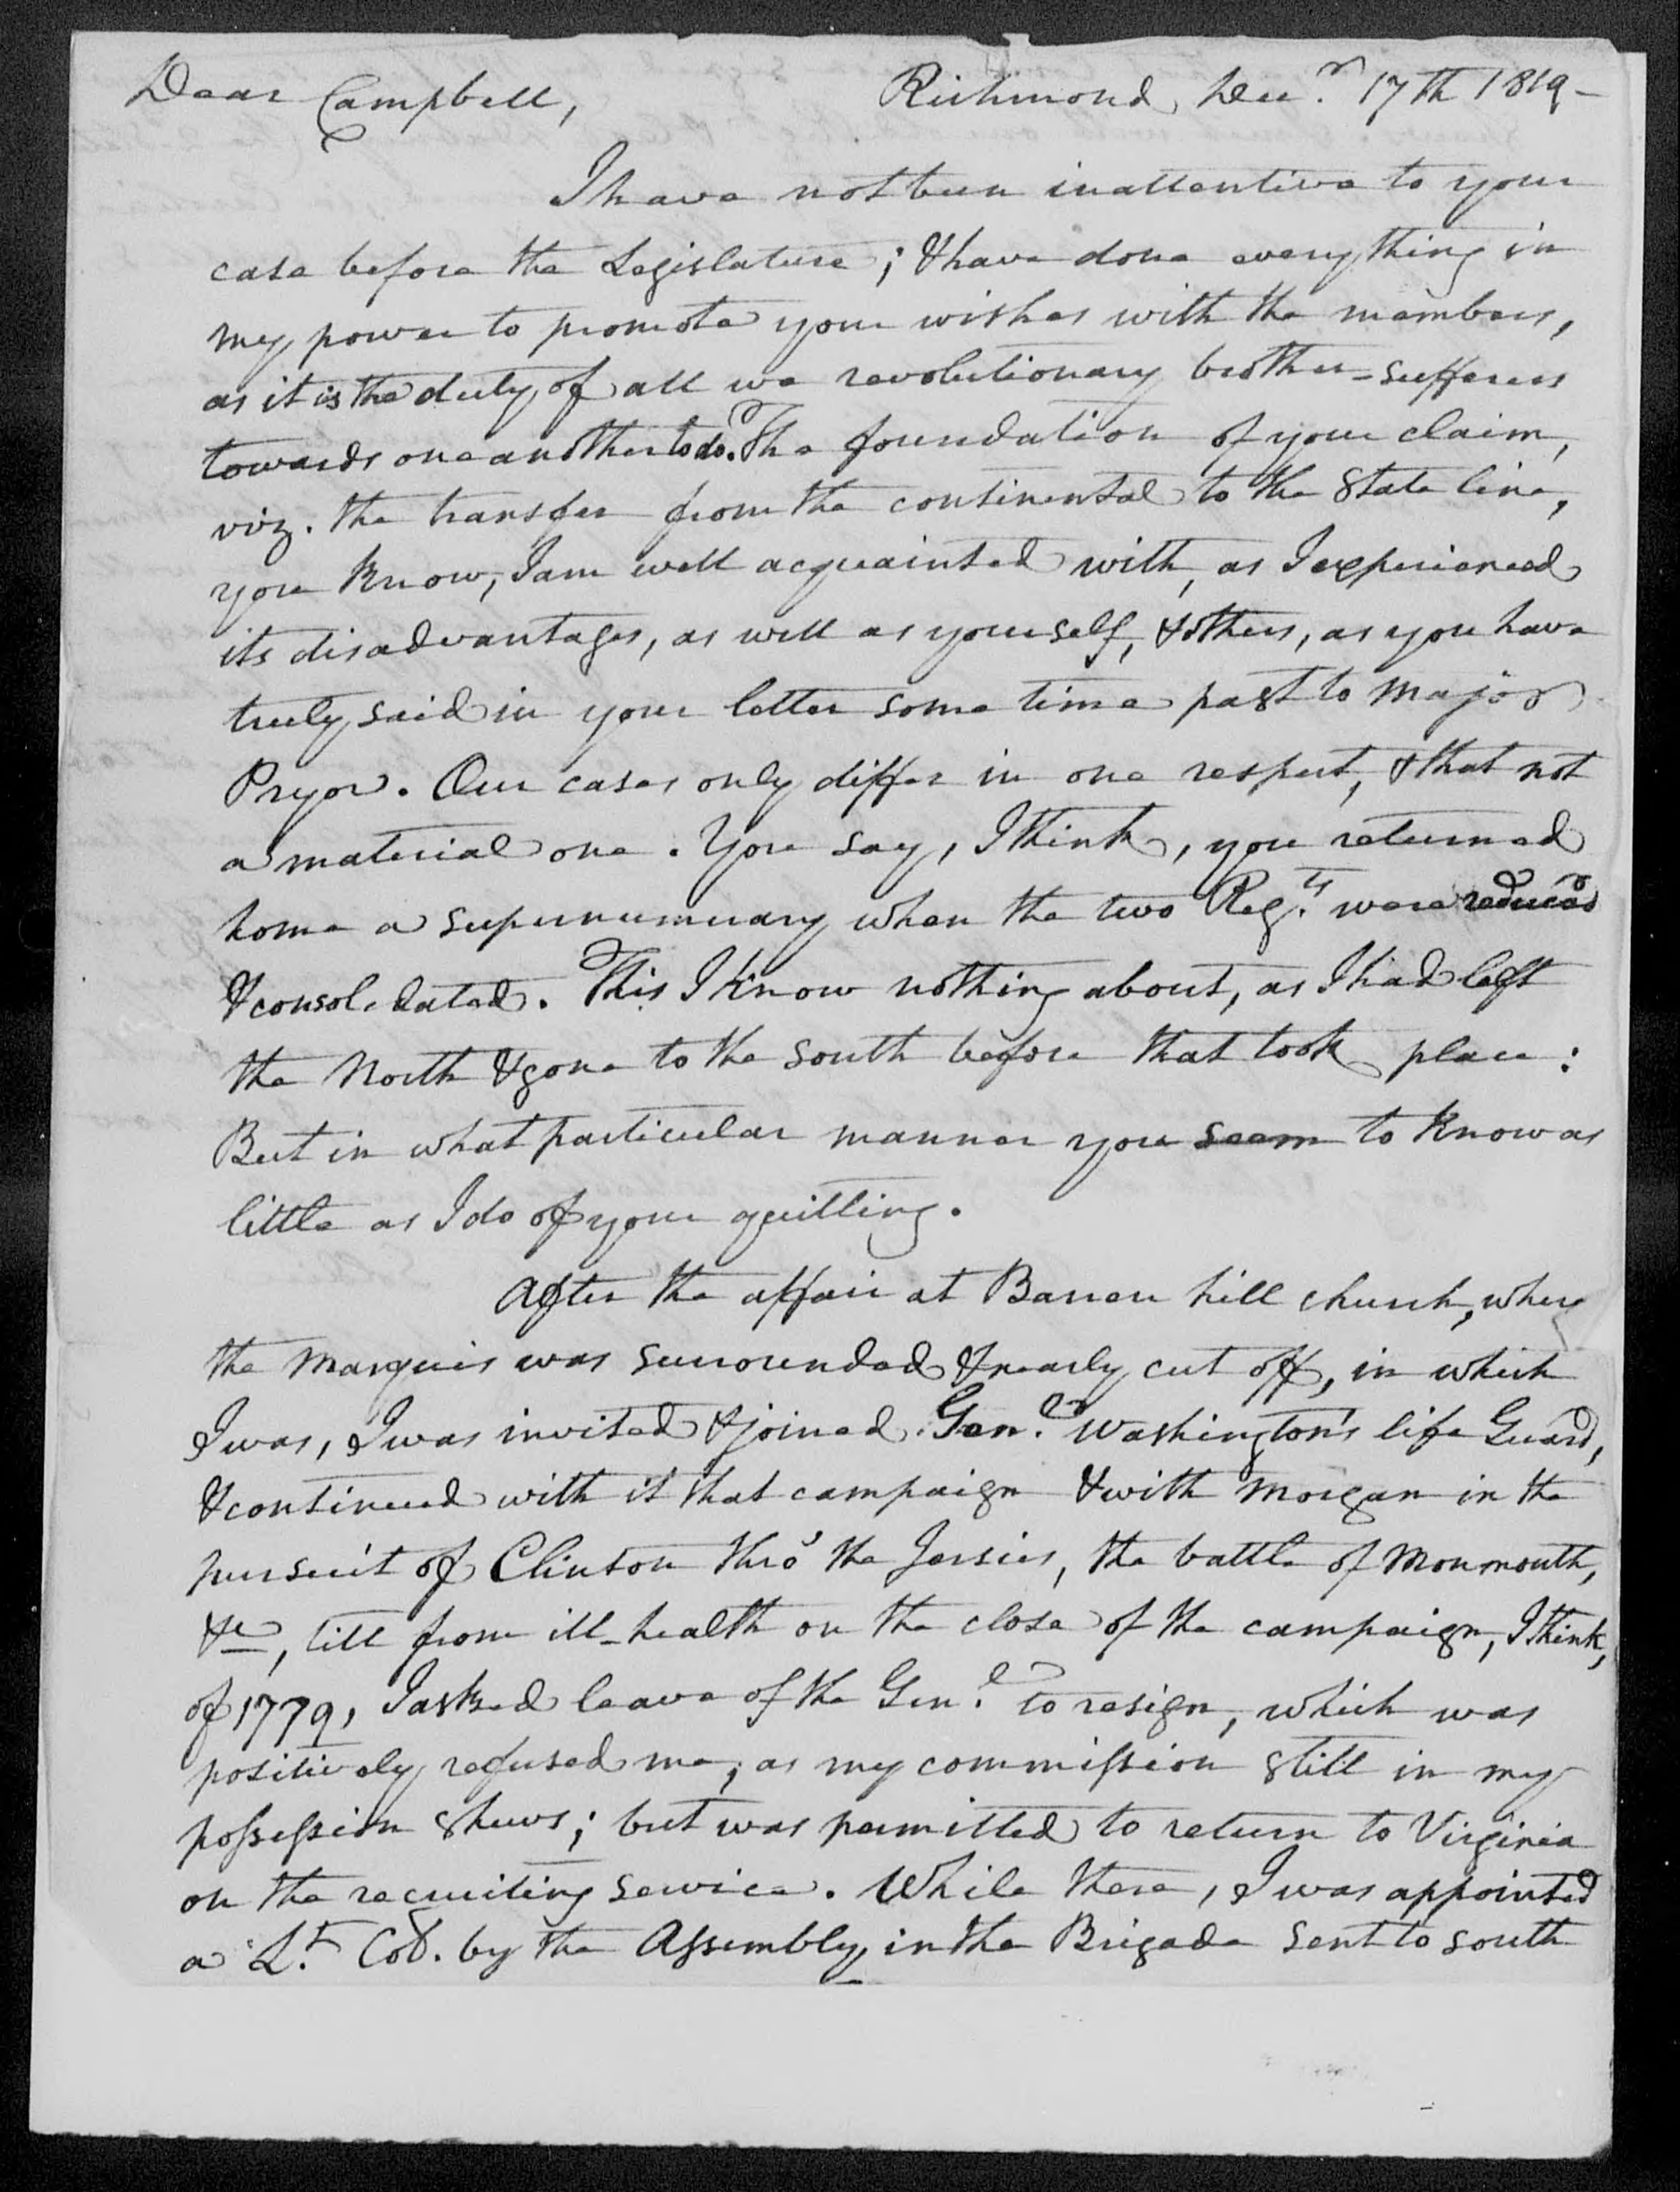Richmond,  Decr. 17thth 1819
Dear Campbell,
I have not been inattentive to your case before the Legislature;  +[and] have done everything in my power to promote your wishes with the members, as it is the duty of all we revolutionary brothers -- sufferers towards one another to do. The foundation of your claim, viz.  the transfer from the continental to the State line, you know, I am well acquainted with, as I explained its disadvantages, as well as yourself, +[and] others, as you have truly said in your letter some time past to Major Pryor. Our cases only differ in one respect, +[and] that not a material one. You say, I think, you returned home a supernumerary when the two Regts. were reduced +[and] consolidated. This I know nothing about, as I had left the North +[and] gone to the South before that took place:
But in what particular manner you seem to know as little as I do of your quitting.
After the affair at Banon hill church, where the Marquis was surrounded [and] nearly cut off, in which I was, I was invited +[and] joined,. Genl. Washington's life Guard, +[and] continued with it that campaign +[and] with Morgan in  the pursuit of Clinton thro' the Jersies, the battle of Monmouth, +c {et cetera], till from ill health on the close of the campaign, I think, of 1779, I asked leave of the Genl. to resign, which was positively refused me, as my commission still in my possession shows; but was permitted to return to Virginia on the recruiting service. While there, I was appointed a Lt. Col. by the Assembly in the Brigade sent to South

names: Campbell, Morgan, Washington, Pryor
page: 111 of 267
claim: widow's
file: W. 4,149, William Campbell, Va.